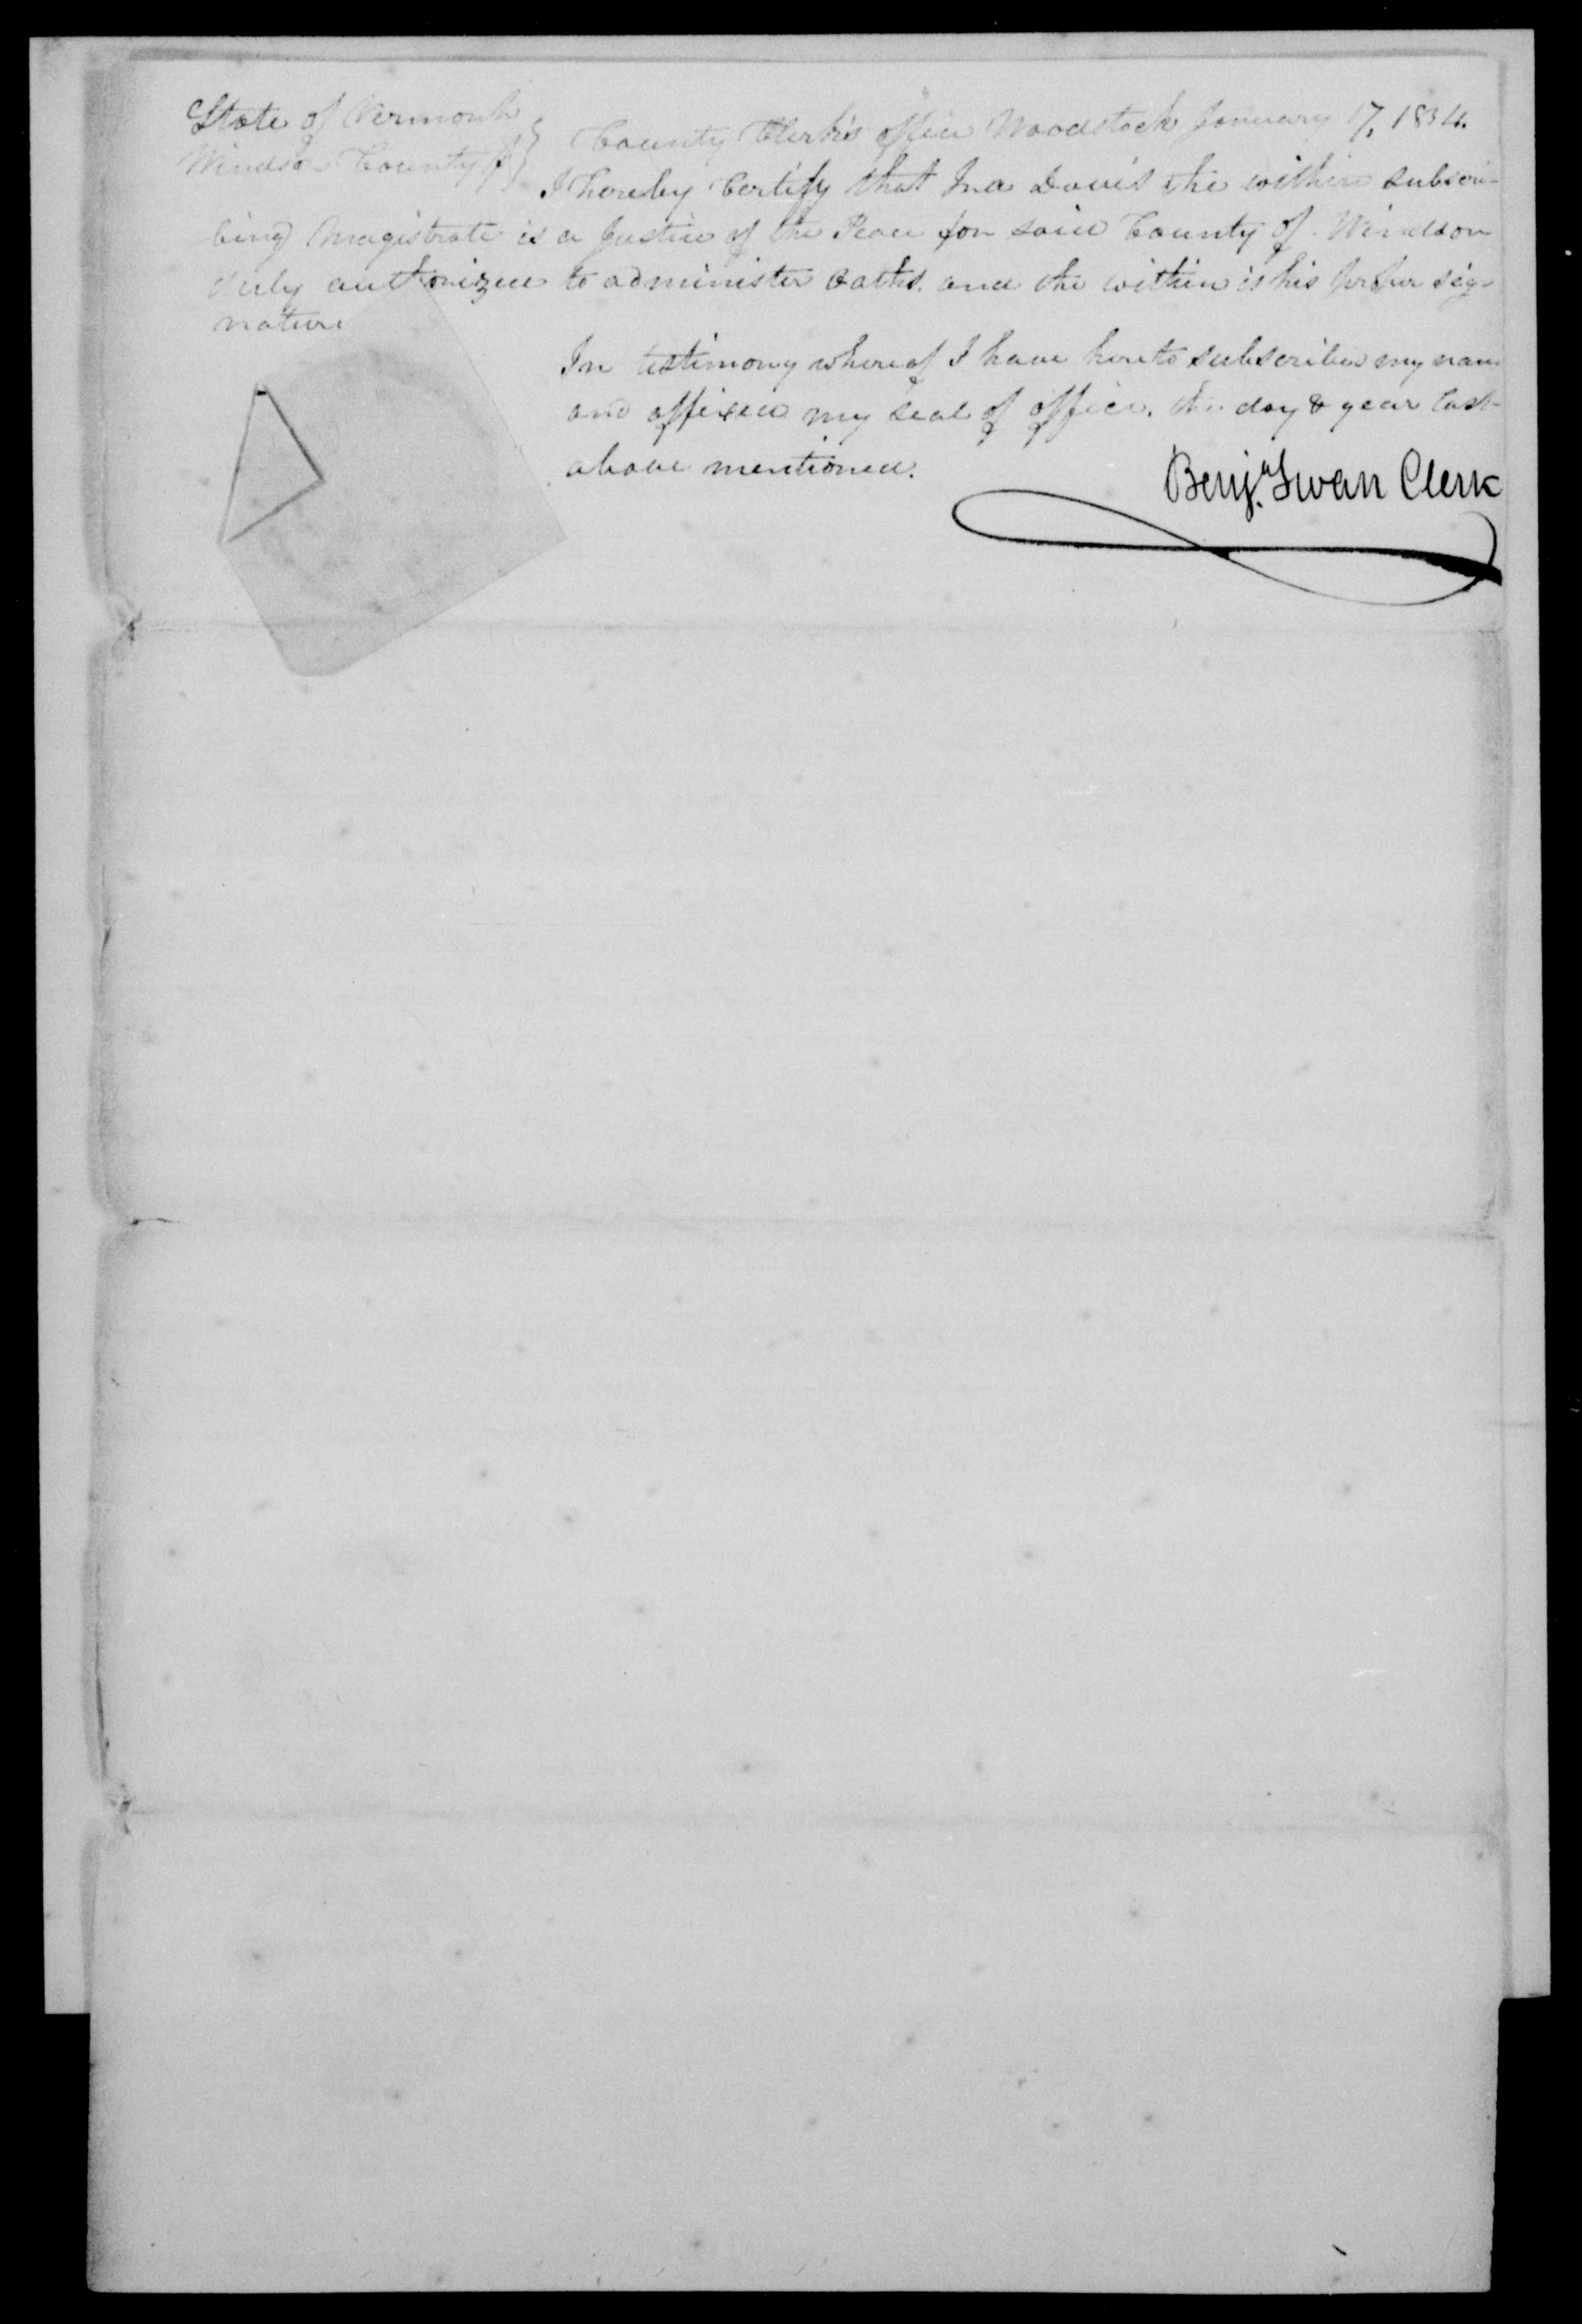State of Vermont Windsor County SS } County Clerk's office Woodstock January 17, 1834.
I hereby certify that Ira Davis the within subscri
being Magistrate is a Justice of the Peace for said County of Windsor
duly authorized to administer oaths, and the within is his proper signature
In testimony whereof I have hereto subscribed my name
and affixed my seal of office, the day & year last
above mentioned.
Benj. Swan Clerk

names: Ira Davis; Benjn Swan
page: 62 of 65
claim: widow's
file: W. 7197, for Jonathan Spear, Vermont